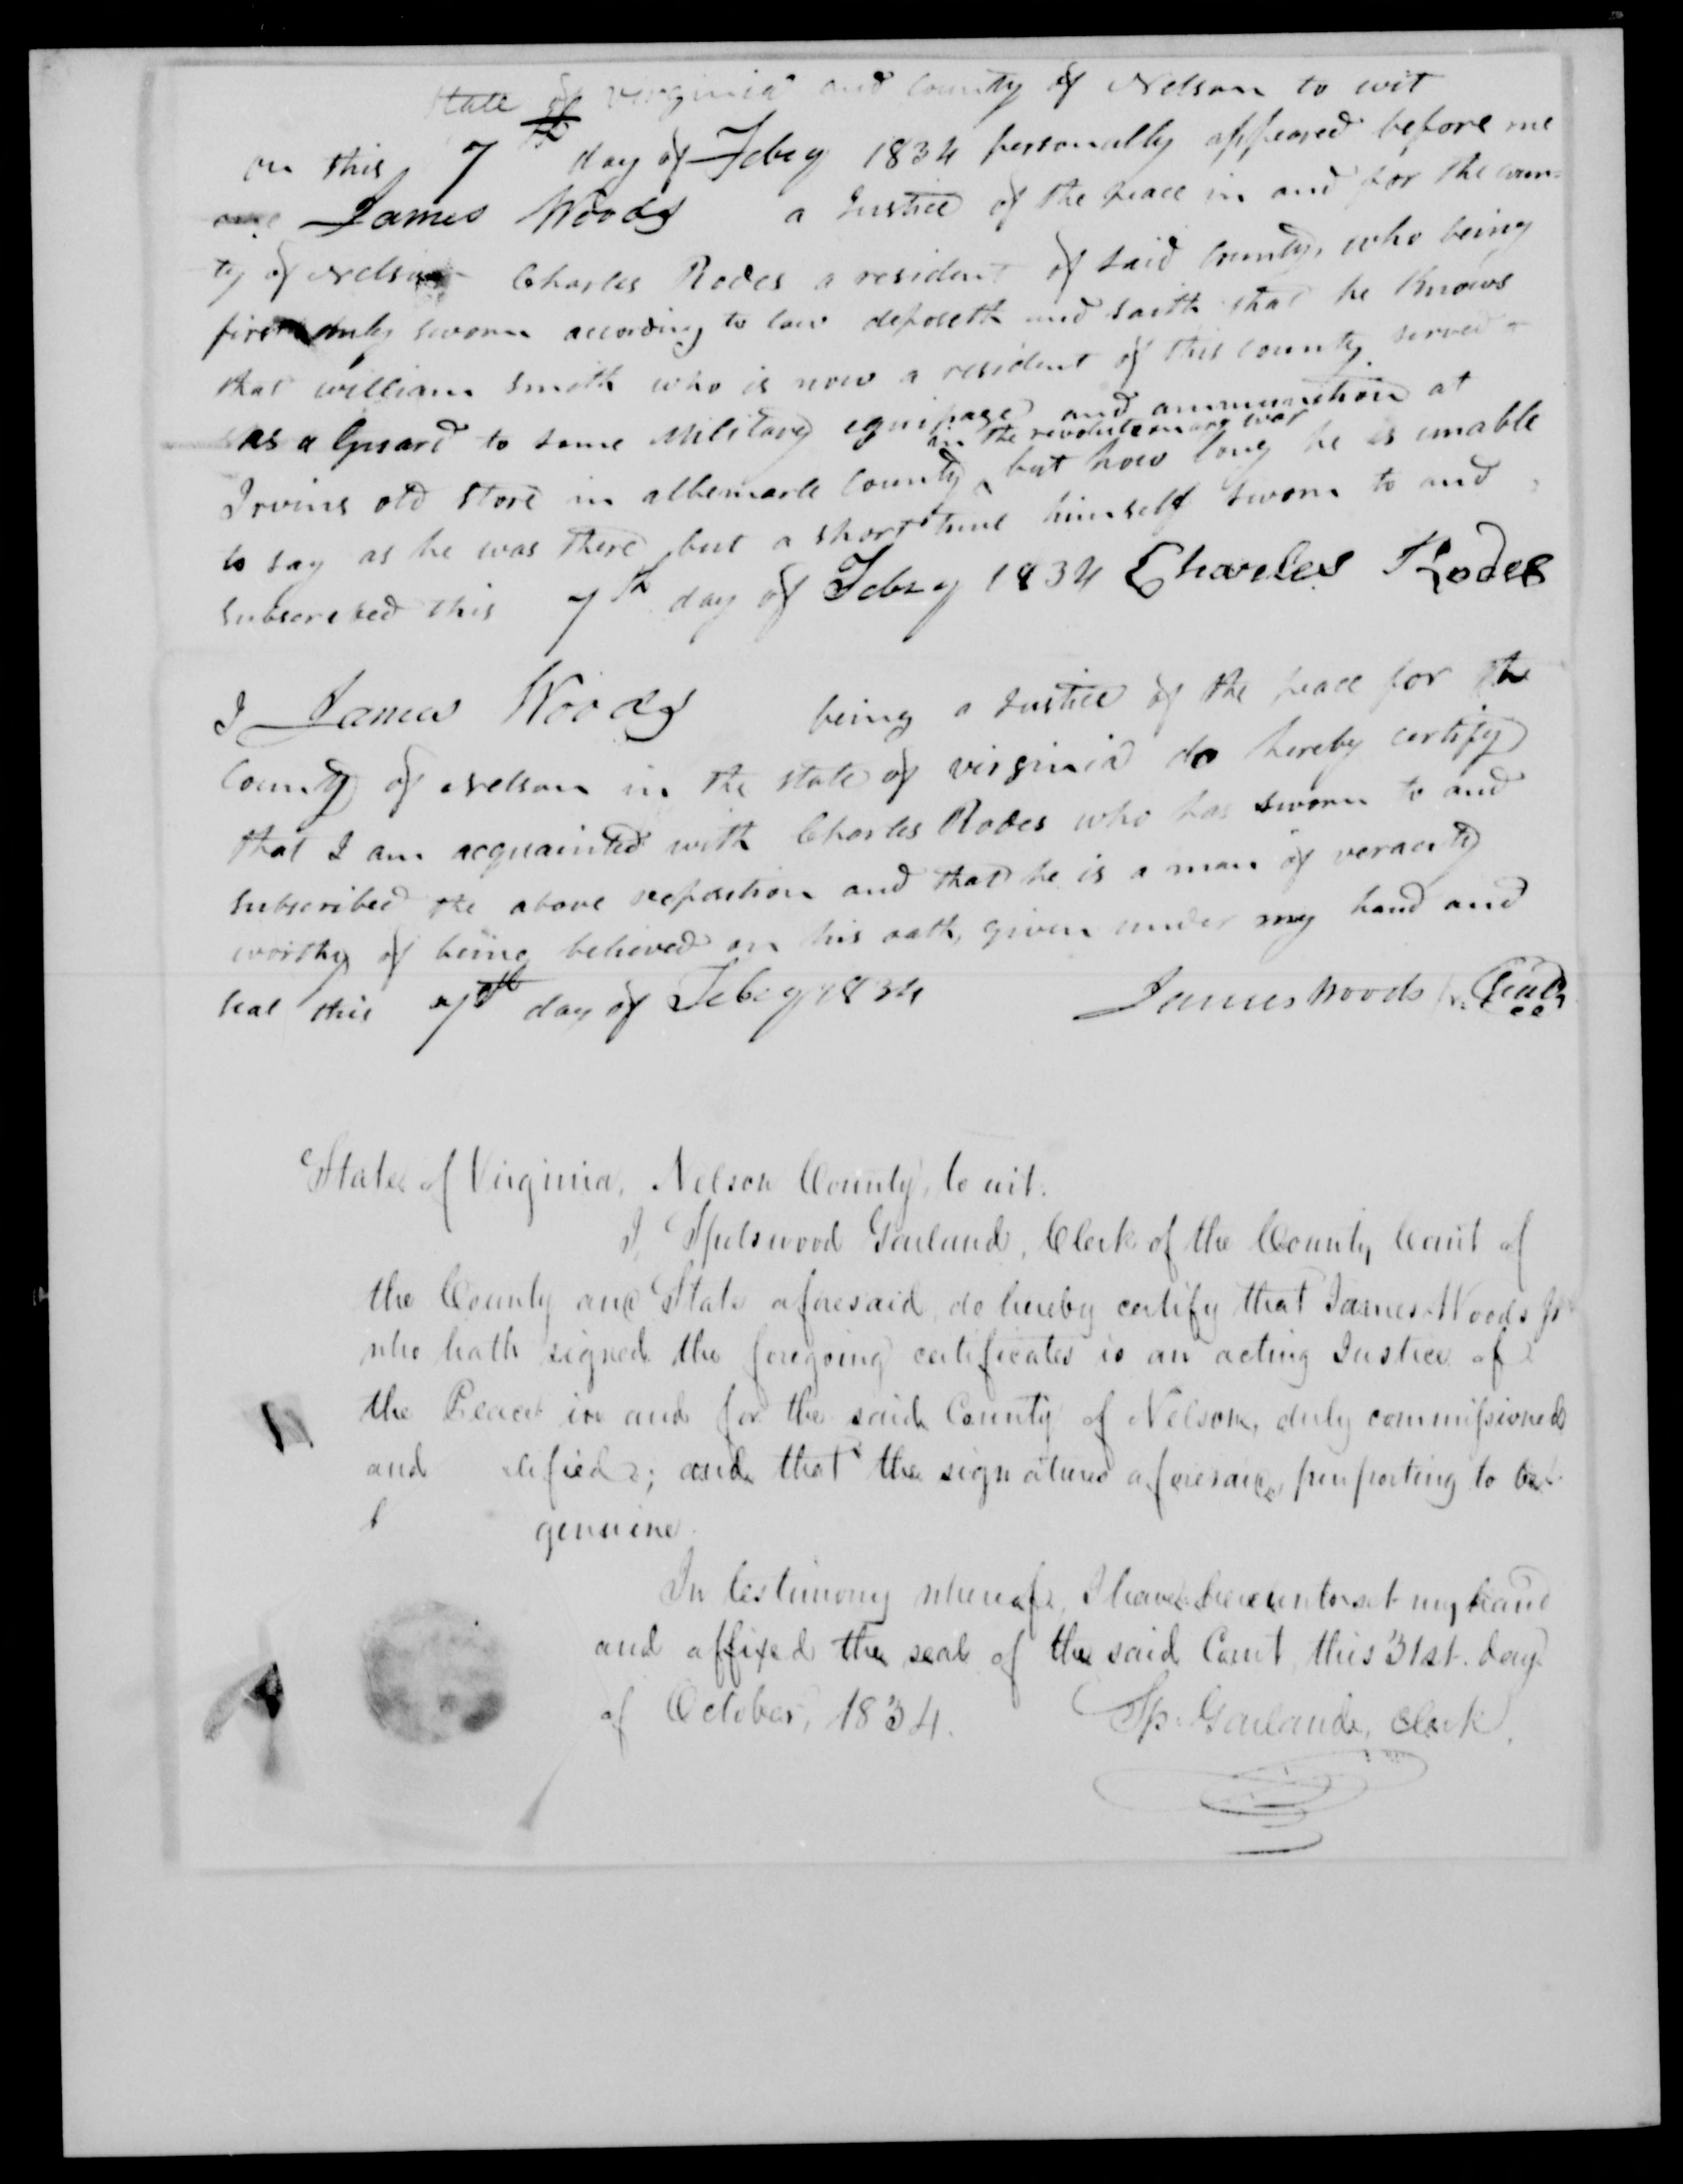State of Virginia and County of Nelson to wit
On this 7th day of Feby 1834 personally appeared before me James Woods a Justice of the Peace in and for the county of Nelson Charles Rodes a resident of said County, who being first duly sworn according to law deposeth and saith that he knows that William Smith who is now a resident of this County, served as a Guard to some Military equipage and ammunition at Irvins old store in albemarle County in the revolutionary war but how long he is unable to say as he was there but a short time himself sworn to and subscribed this 7th day of Febry 1834 Charles Rodes

I James Woods being a Justice of the Peace for the County of Nelson in the state of Virginia do hereby certify that I am acquainted with Charles Rodes who has sworn to and subscribed the above deposition and that he is a man of veracity worthy of being believed on his oath, given under my hand and seal this 7th day of Febry 1834 James Woods Jr {Seal}

State of Virginia, Nelson County, to wit.
I, Spotswood Garland, Clerk of the County Court of the County and State aforesaid, do hereby certify that James Woods Jr who hath signed the foregoing certificates is an acting Justice of the Peace in and for the said County of Nelson, duly commissioned and qualified; and that the signature aforesaid purporting to be his is genuine
In testimony whereof, I have hereunto set my hand and affixed the seal of the said Court this 31st day of October, 1834. Sp. Garland, Clerk.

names: James Woods; James Woods; James Woods; William Smith; Charles Rodes; Spotswood Garland; Charles Rodes; Charles Rodes; James Woods; Sp Garland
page: 6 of 22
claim: widow's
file: W. 4,806, for William Smith, Virginia